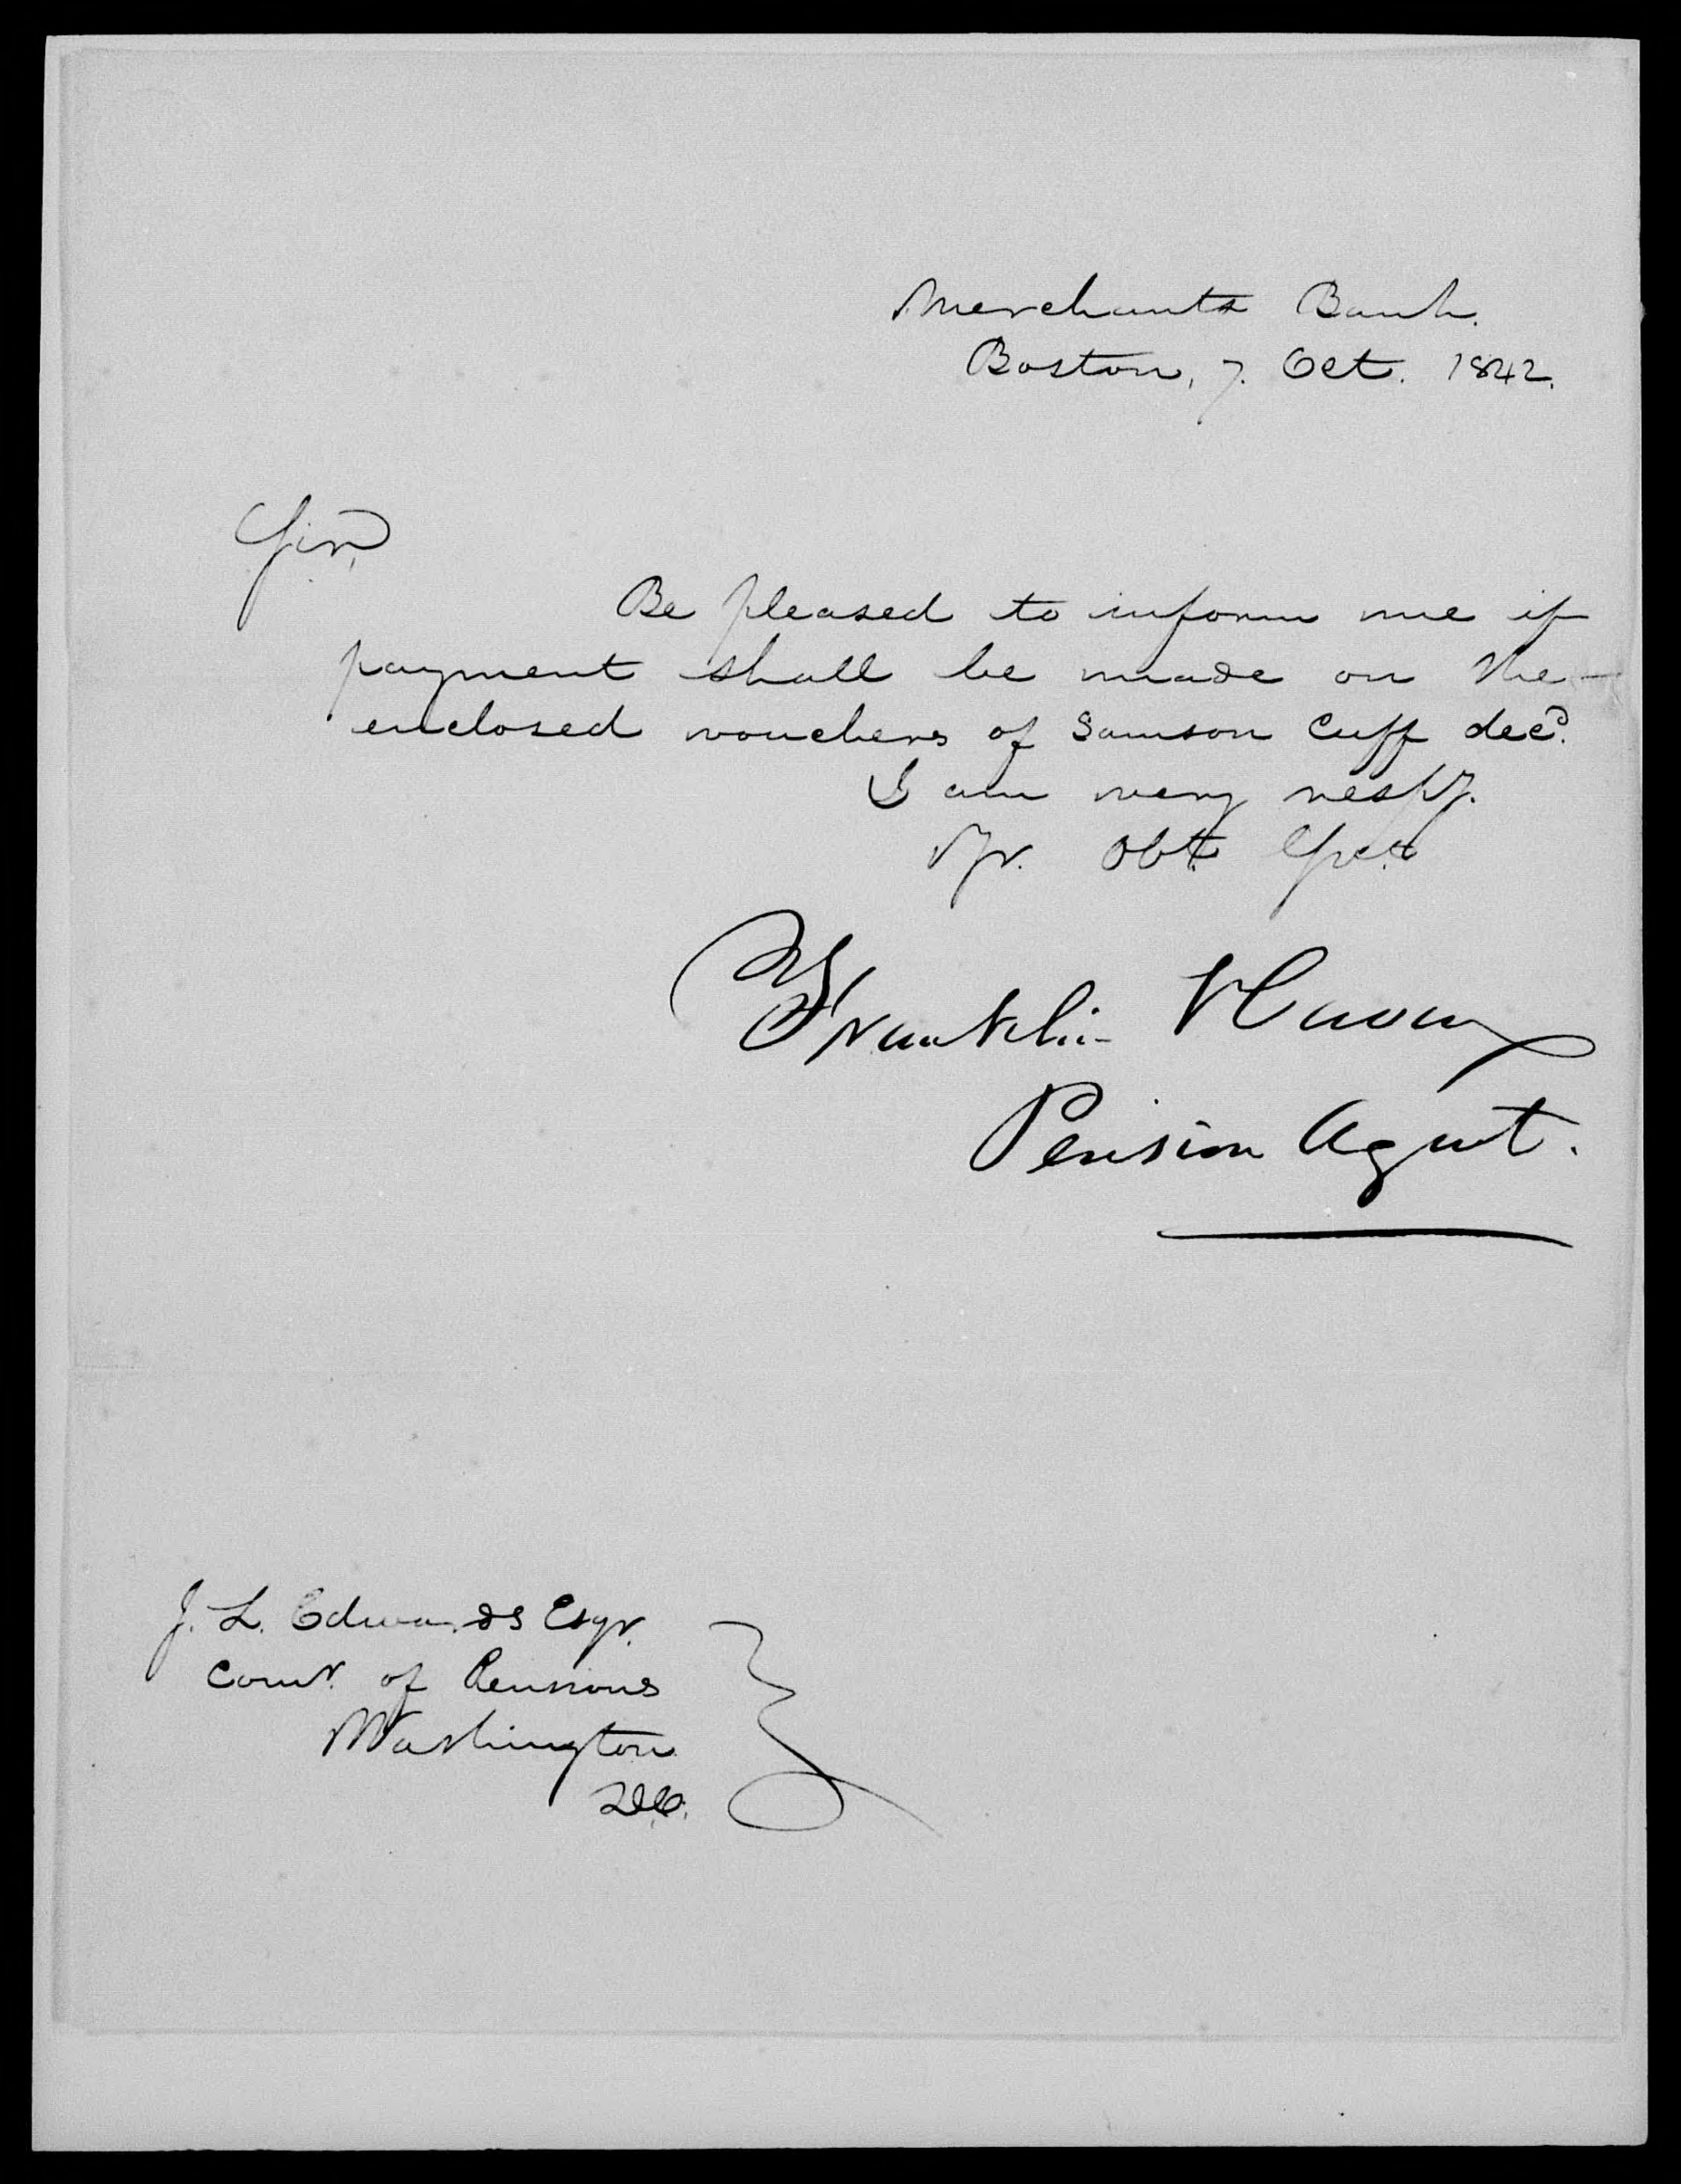Merchant's Bank
Boston 7 Get. 1842

Sir,
Be pleased to inform me if judgment shall be made on the enclosed wonders of Samson Cuff dee?
I am very [ILLEGIBLE].
[ILLEGIBLE]

[Signature]
Franklin Haven
Pension Agent

J.L. Edwards
Court of Pensions
Washington
206.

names: J L Edwards, Samson Cuff, Franklin Haven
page: 11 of 11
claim: survivor's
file: S. 34,616, Samson Cuff, Conn.